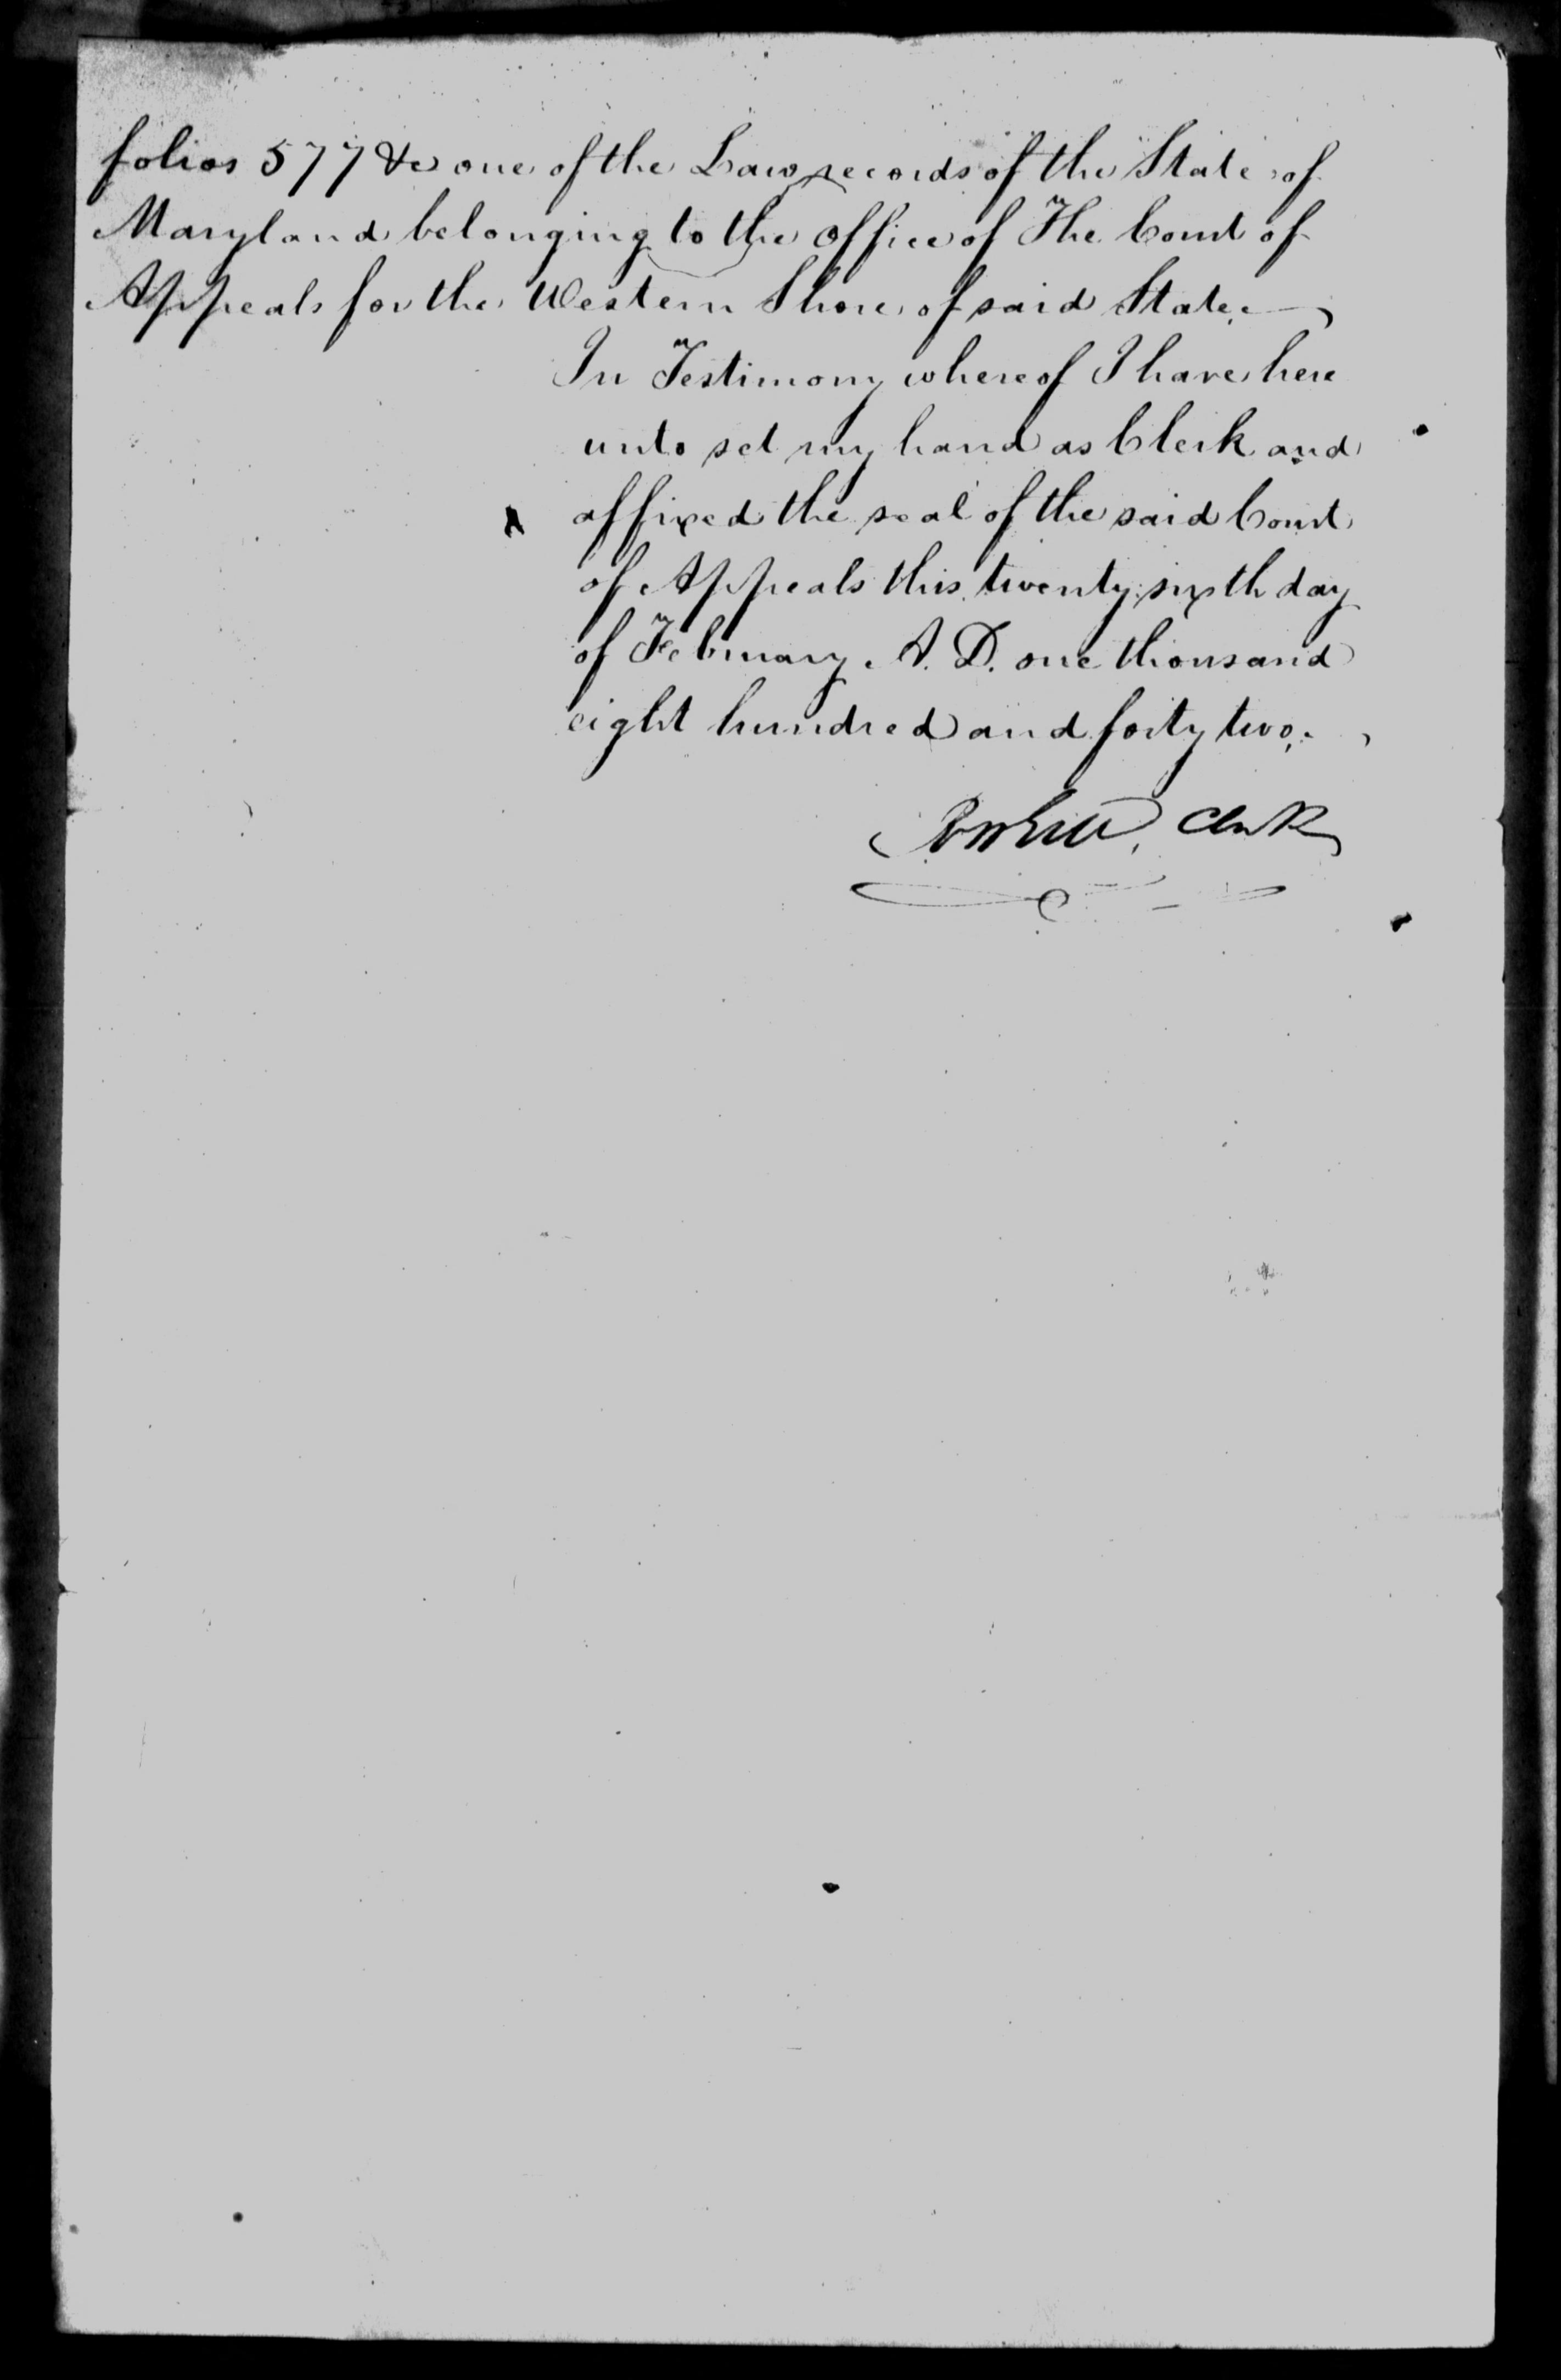folios 577 &c one of the Law records of the State of Maryland belonging to the office of the Court of Appeals for the Western Shore of said State.
In Testimony whereof I have hereunto set my hand as Clerk and affixed the seal of the said Court of Appeals this twenty sixth day of February A.D. one thousand
eight hundred and forty two. 
Wm Gill, Clerk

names: Wm Gill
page: 14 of 43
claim: survivor's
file: S. 15240, Thomas White, Md.